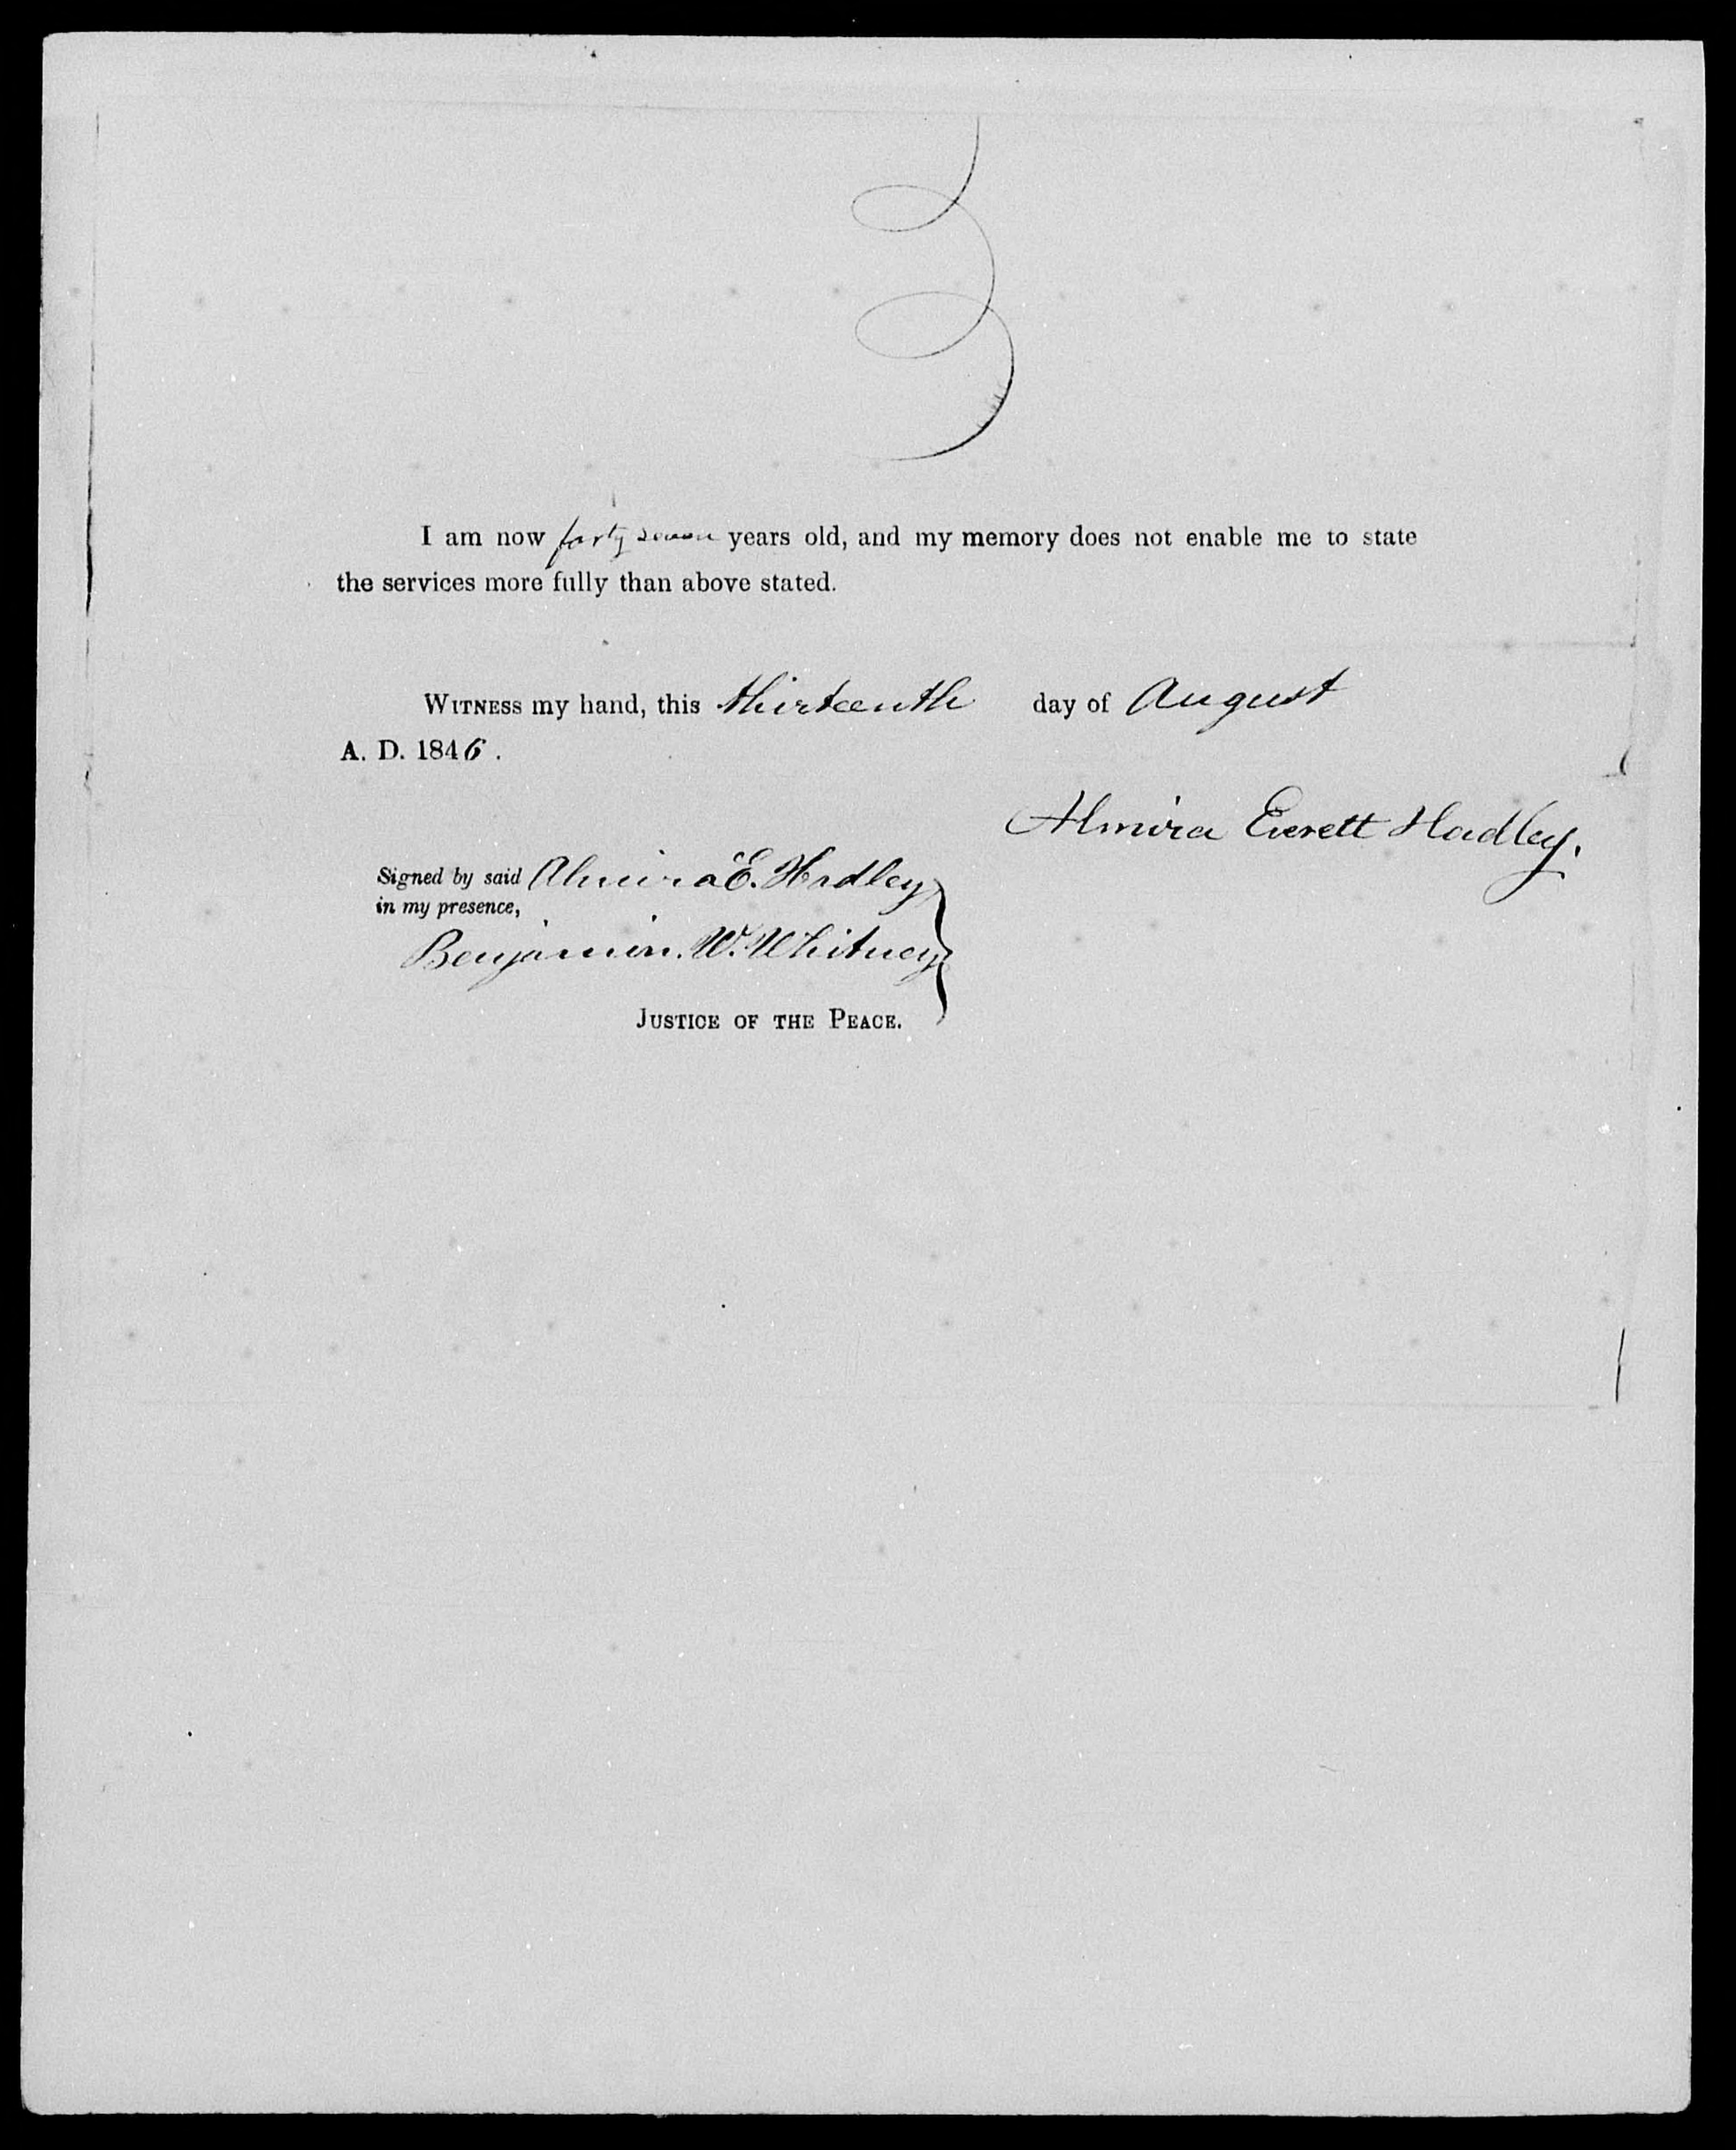I am now forty seven years old, and my memory does not enable me to state the services more fully than about stated.

WITNESS my hand, this thirteenth day of August A.D. 1846.

Almira Everett Hadley

Signed by said Almira E. Hadley
Benjamin W. Whitney
Justice of the Peace.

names: Almira E Hadley, Almira Everett Hadley, Benjamin W Whitney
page: 47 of 59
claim: widow's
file: W. 23017, Richard Clair Everett, Mass.